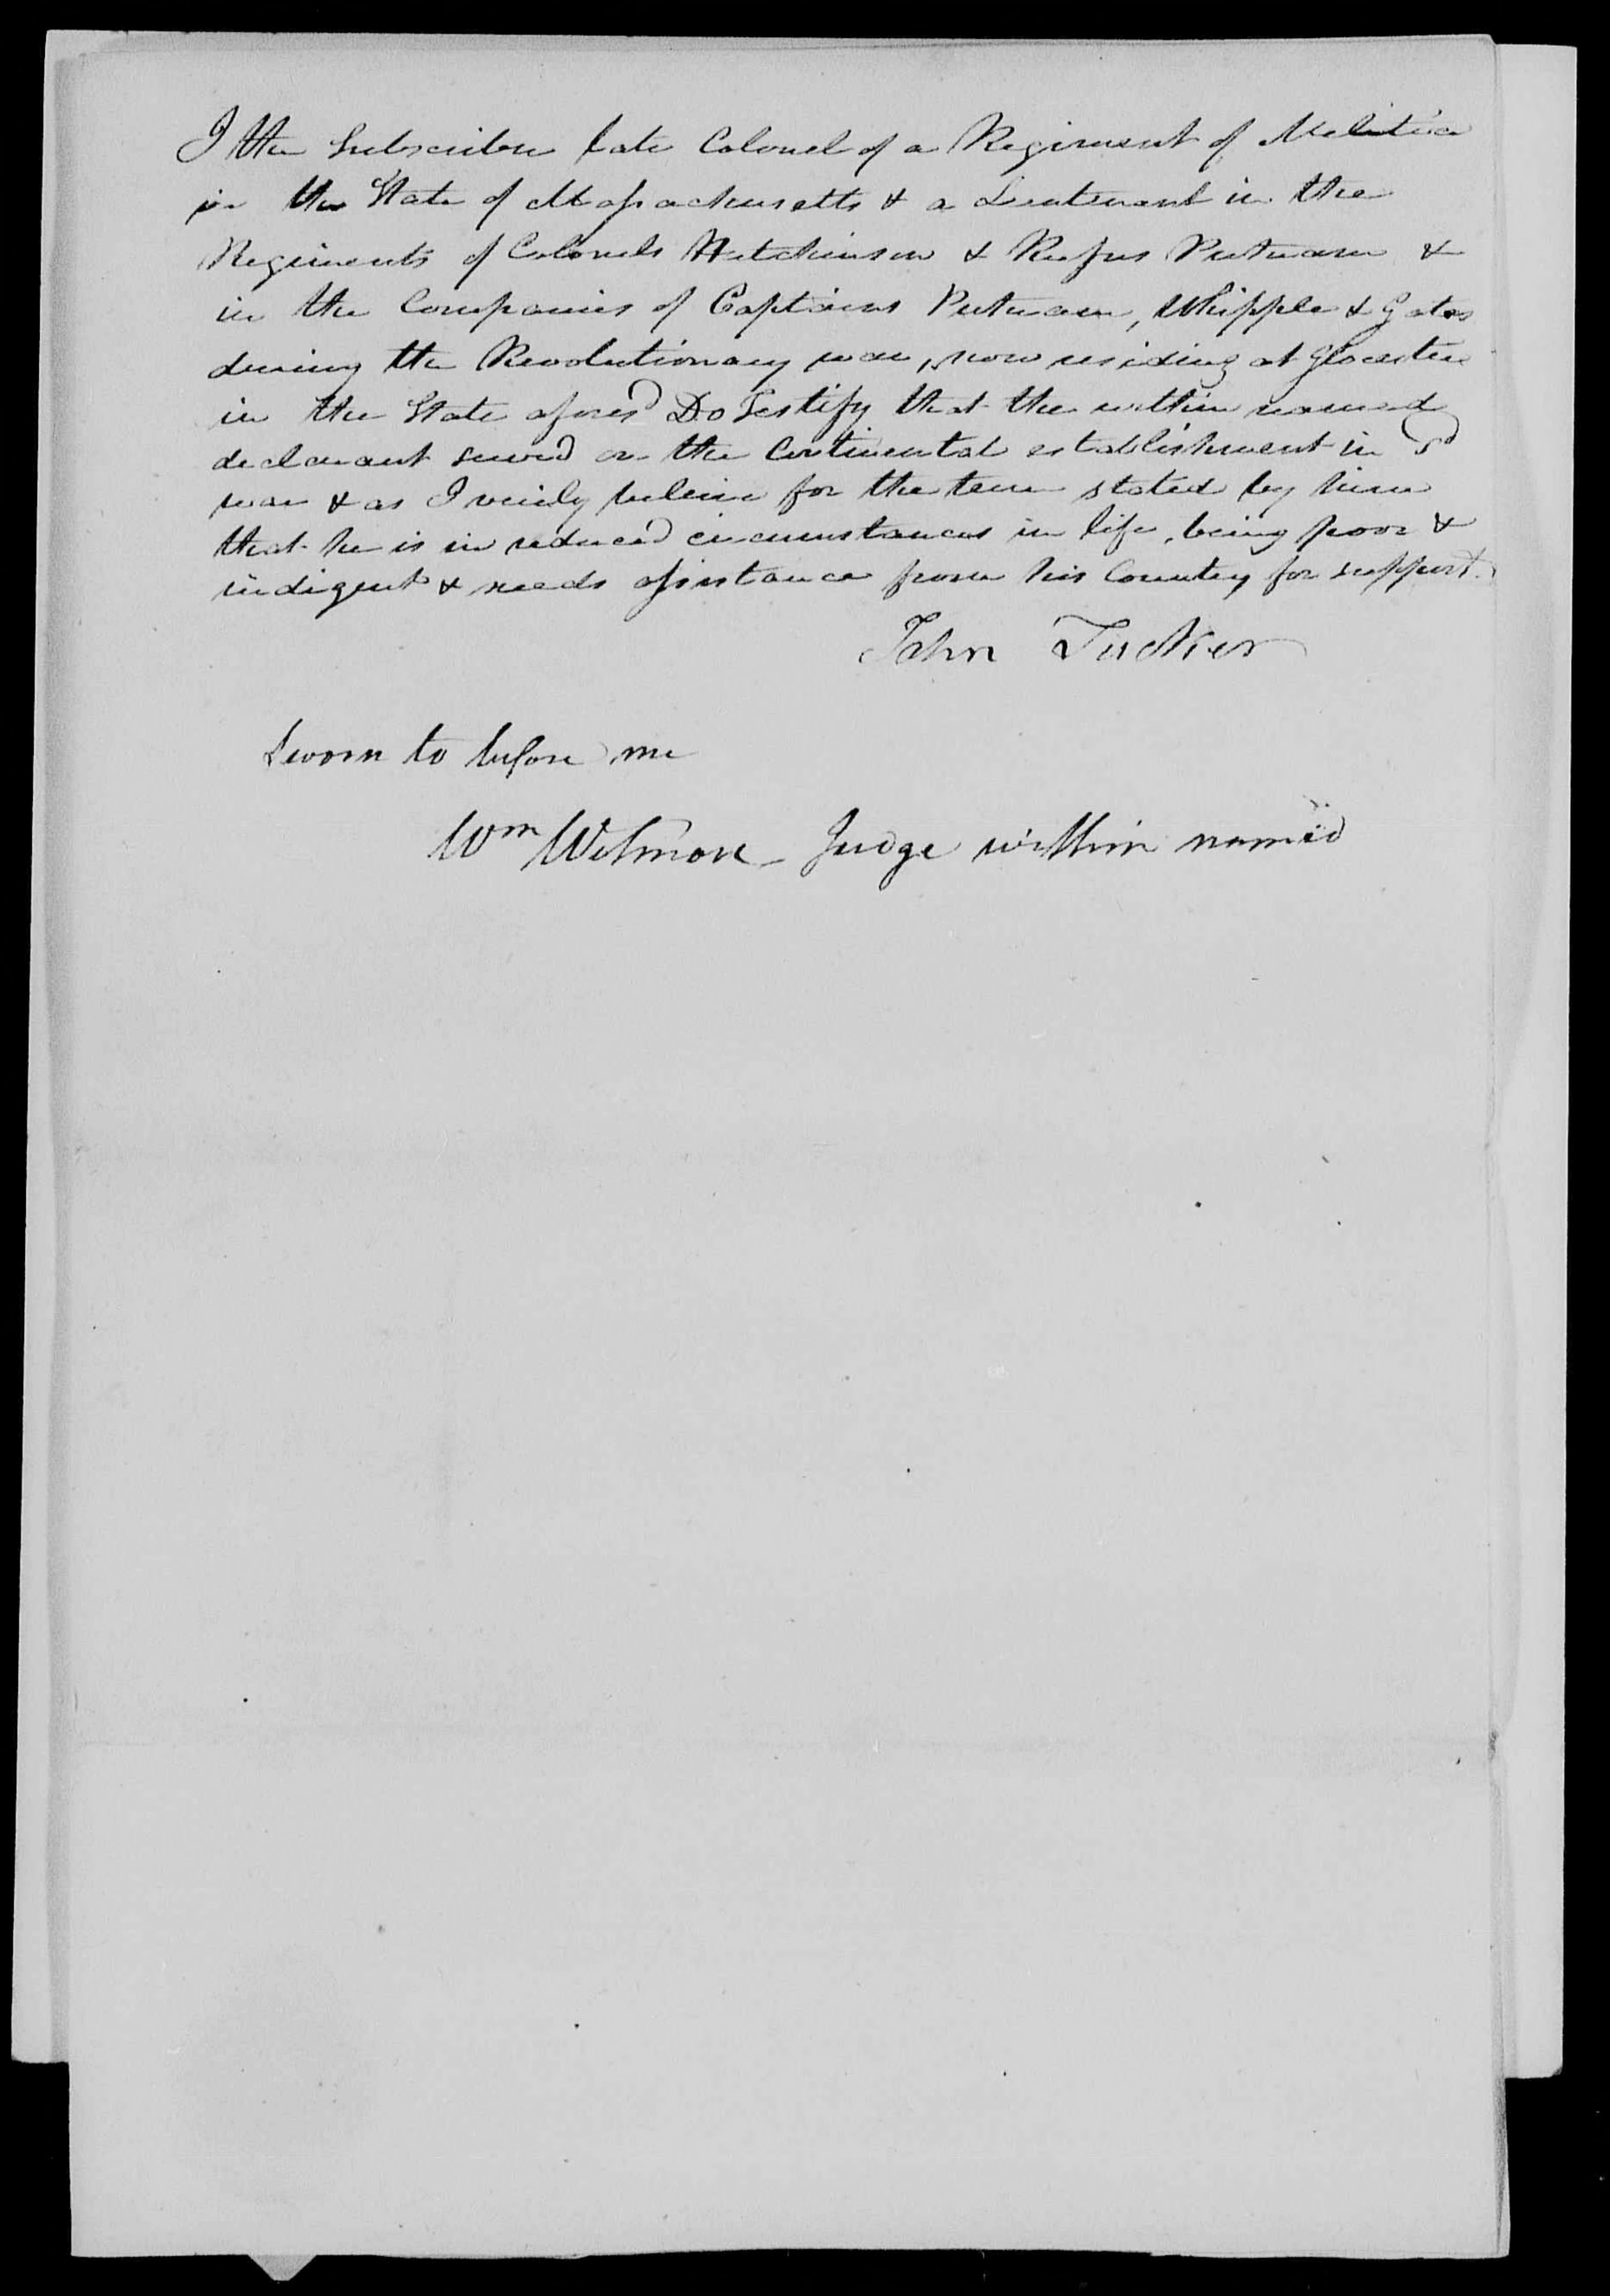I the Subscriber late Colonel of a Regiment of Militia in the State of Massachusetts & a Lieutenant in the Regiments of Colonel Hutchinson & Rufus Putnam & in the companies of Captains Putnam, Whipple & Gates during the Revolutionary war, now residing at Gloucester in the State afored(?) Do Testify that the within enclosed declaimant served on the Continental establishment in war & as I verily believe for the term stated by him that he is in reduced circumstances in life being Poor & indigent and needs assistance from his Country for support.
John Tucker
Before me
Wm Witmore Judge within named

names: John Tucker, Whipple, Gates, Wm Wetmore, Hutchinson, Putnam, Rufus Putnam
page: 5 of 14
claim: survivor's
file: S. 34696, Samuel Clark, Continental Mass.